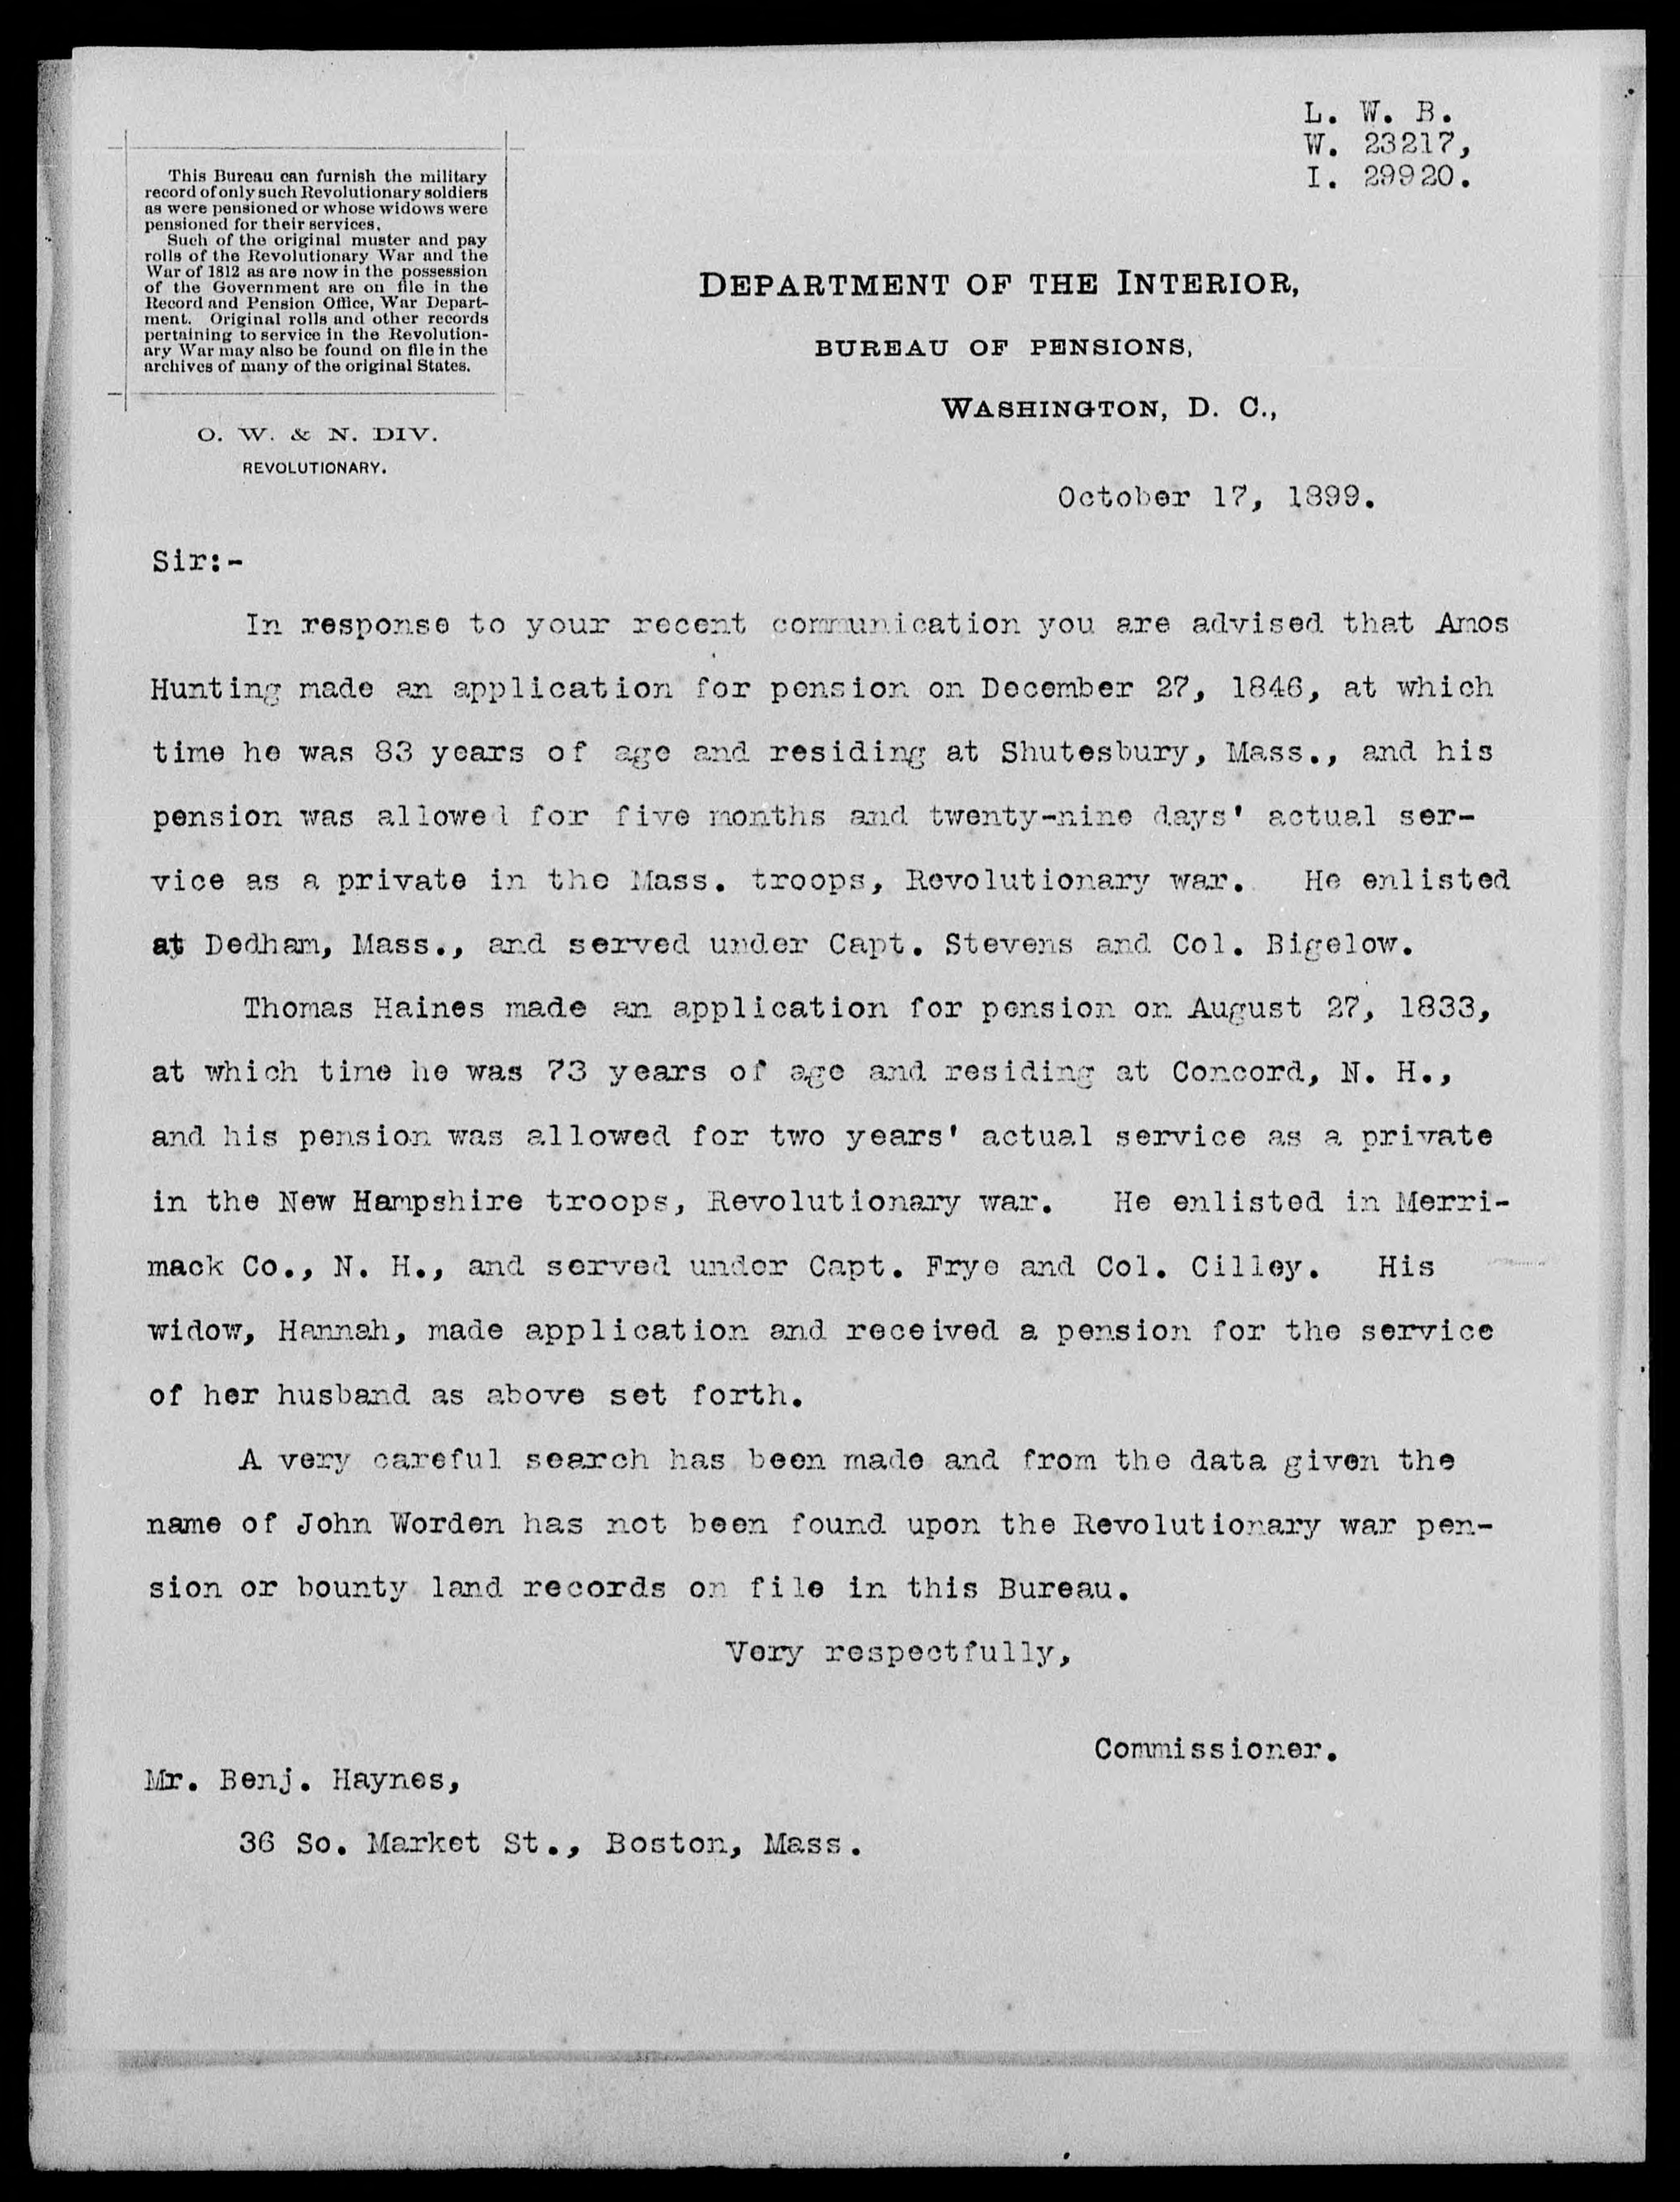[Top left Block] 

      This Bureau can furnish the military record of only such Revolutionary soldiers as were pensioned or whose widows were pensioned for their services.
       Such of the original muster and pay rolls of the Revolutionary War and the War of 1812 as are now in the possession of the Government are on file in the Record and Pension Office, War Department. Original rolls and other records pertaining to service in the Revolutionary War may also be found on file in the archives of many of the original States.

O.W & N. DIV.

Revolutionary.

[Top right of letter]

L. W. B.
W. 23217
I. 29920. 

Department of the Interior, 
Bureau of Pensions,
Washington, D. C.,

October 17, 1899.

Sir: -

In response to your recent communication you are advised that Amos Hunting made an application for pension on December 27, 1846, at which time he was 83 years of age and residing at Shutesbury, Mass., and his pension was allowed for five months and twenty-nine days' actual ser-vice as a private in the Mass. troops, Revolutionary war. He enlisted at Dedham, Mass., and served under Capt. Stevens and Col. Bigelow. 

Thomas Haines made an application for pension on August 27, 1833, at which time he was 73 years of age and residing at Concord, N.H., and his pension was allowed for two more years' actual service as a private in the New Hampshire troops, Revolutionary war. He enlisted in Merri-mack Co., N.H., and served under Capt. Frye and Col. Cilley. His widow, Hannah, made application and received a pension for the service of her husband as above set forth. 

A very careful search has been made and from the data given the name of John Worden has not been found upon the Revolutionary war pen-sion or bounty land records on file in this Bureau.

Very respectfully,

Mr. Benj. Haynes,             Commissioner.

36 So. Market St., Boston, Mass.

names: Bigelow, Amos Hunting, John Worden, Benj Haynes, Cilley, Stevens, Hannah, Frye, Thomas Haines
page: 19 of 57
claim: widow's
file: W. 23217, Thomas Haines, N H